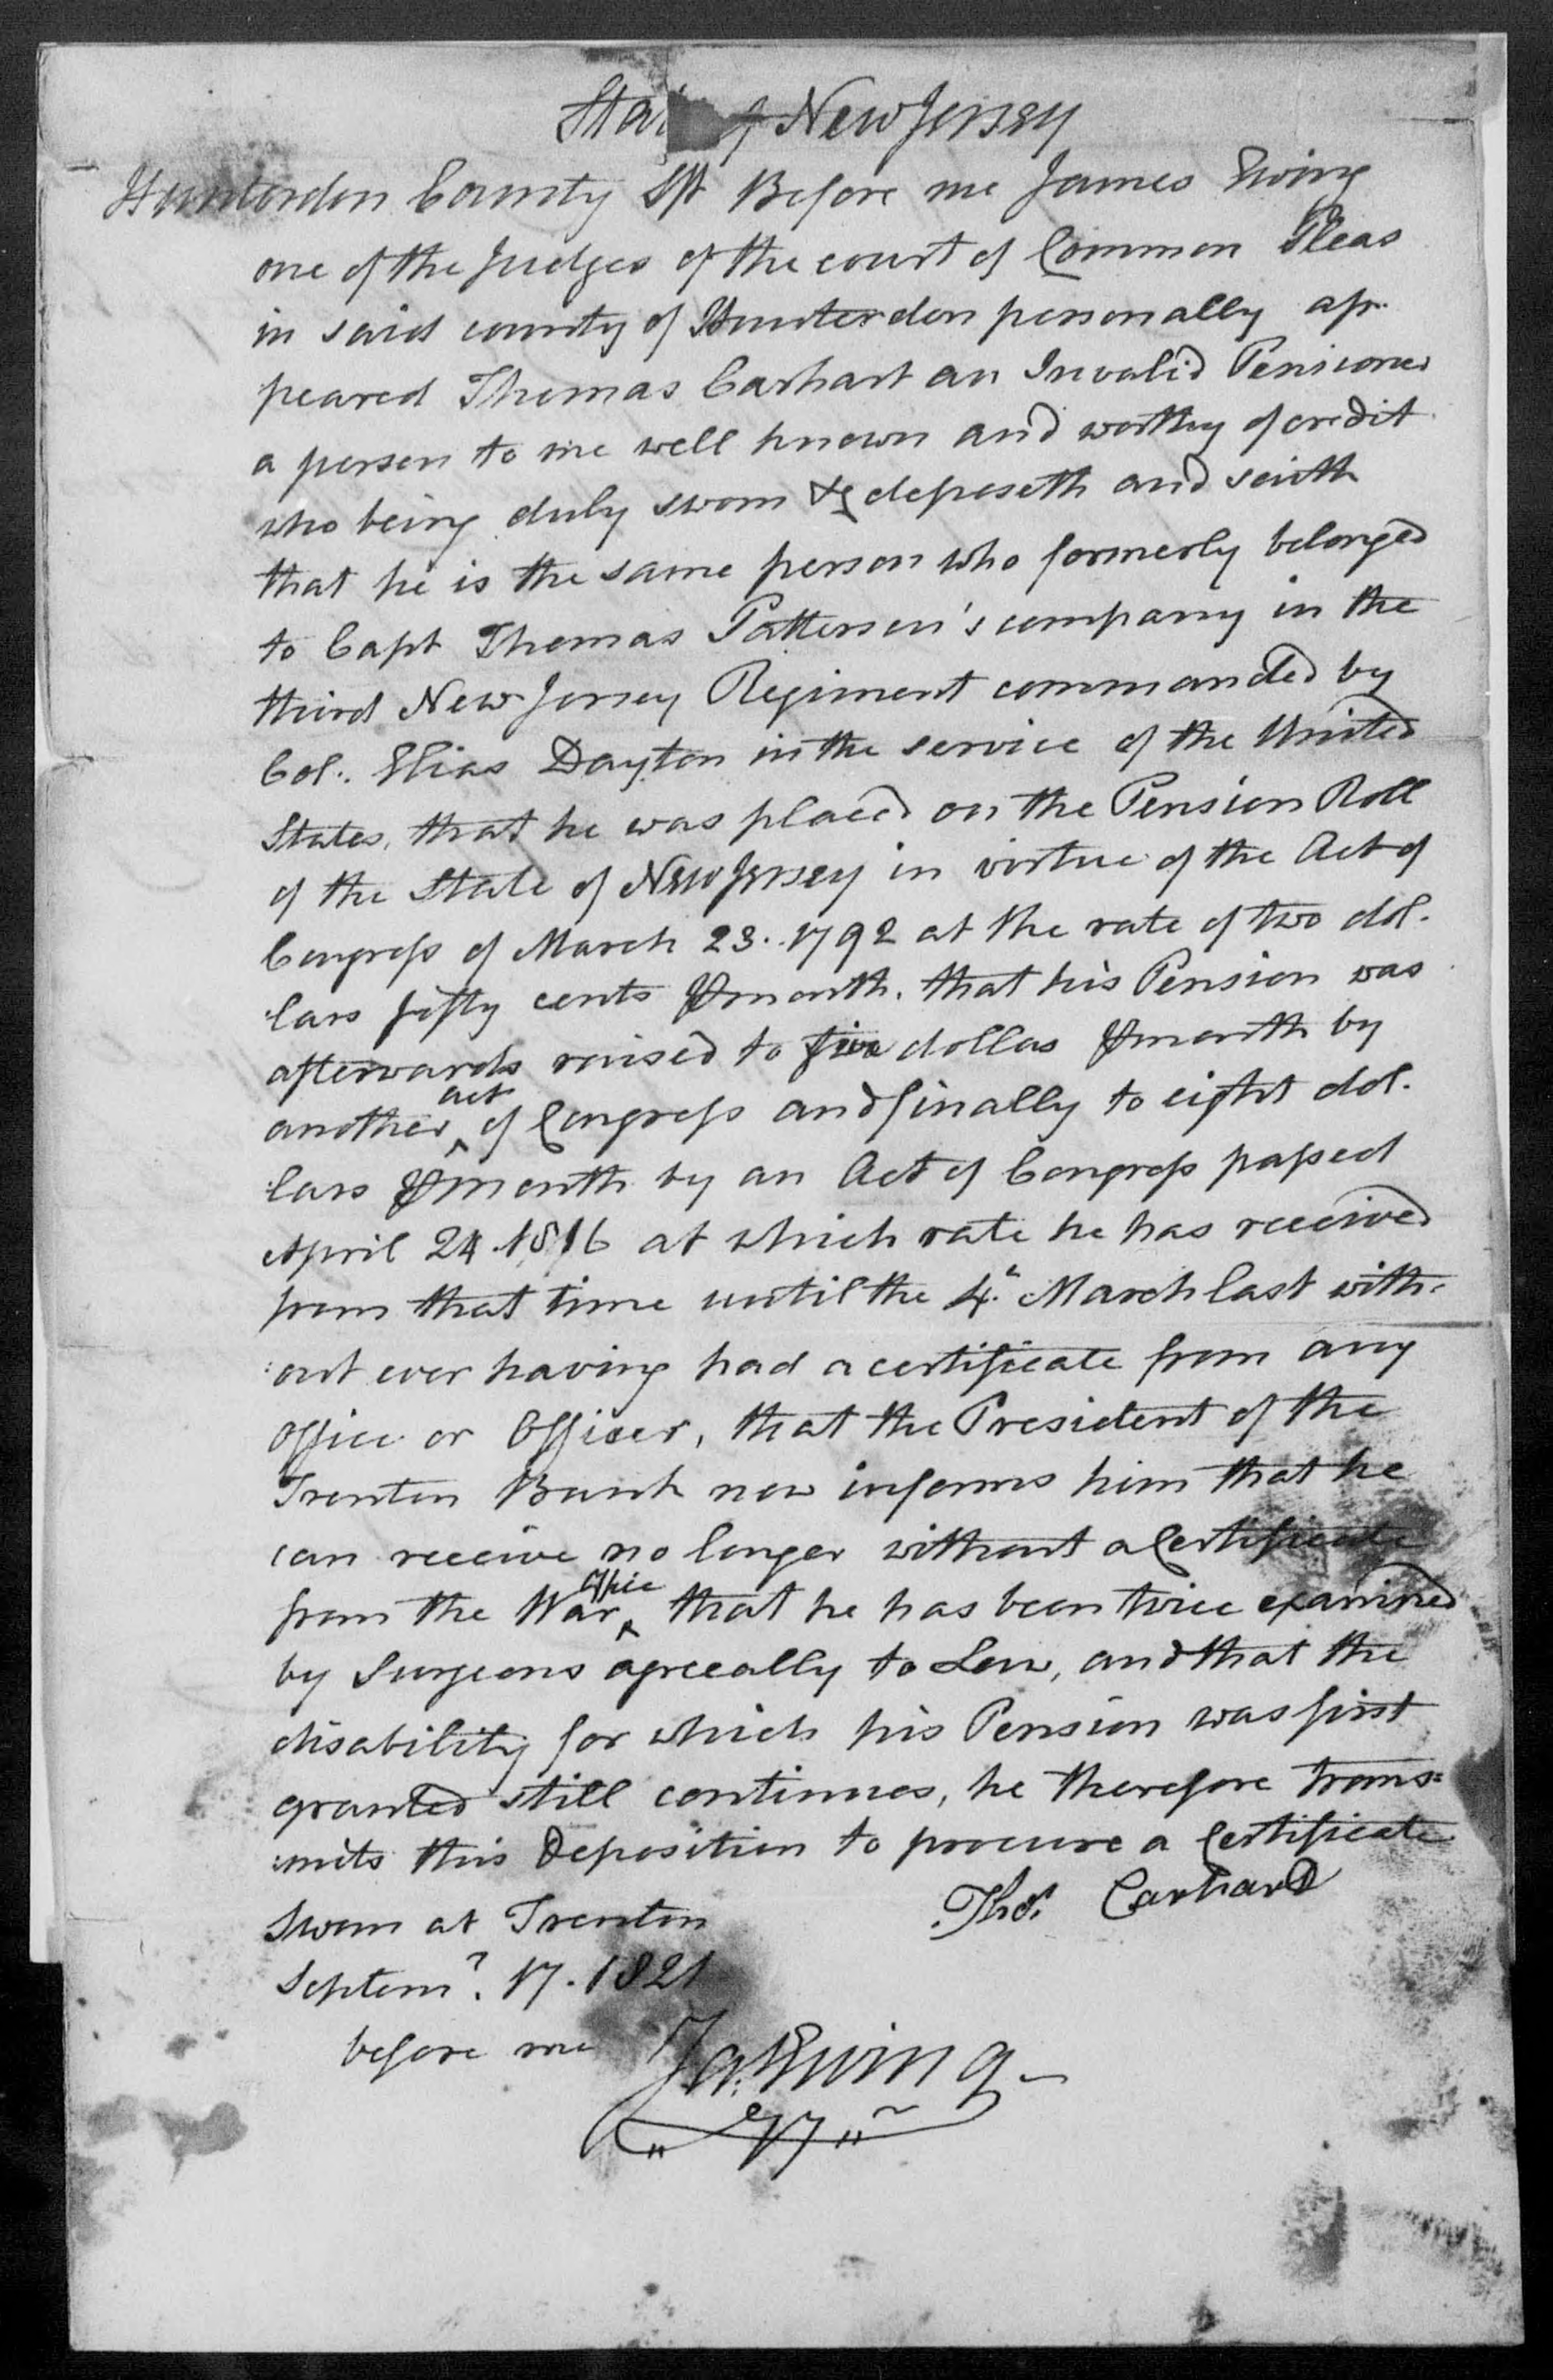State of New Jersey
Hunterdon County 1st Before me James Ewing one of the judges of the court of Common Pleas in said county of Hunterdon personally appeared Thomas Carhart an Invalid Pensioner a person to me well known and worthy of credit who being duly sworn and deposeth and saith that he is the same person formerly who belonged to Capt Thomas Pattersen's company in the third New Jersey Regiment commanded by Col Elias Dayton in the service of the United States, that he was placed on the Pension Roll of the State of New Jersey in virtue of the Act of Congress of March 23, 1792 at the rate of two dollars fifty cents per month, that his pension was afterwards revised to five dollars per month by another act of congress and finally to eight dollars per month by an Act of Congress passed April 24, 1816 at which rate he has received from that time until the 4th March last without ever having had a certificate from any office or officer, that the President of the Trenton Bank now informs him that he can receive no longer without a certificate from the War Office, that he has been thrice examined by surgeons agreeably to law, and that the disability for which his pension was first granted still continues, he therefore transmits this deposition to procure a certificate.

(Signed) "Thomas Carhart"

Sworn at Trenton
September 17 1821
Before me

(Signed) Jas Ewing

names: Thomas Carhart, Elias Dayton, Jas Ewing, James Ewing, Thos Carhart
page: 4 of 7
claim: survivor's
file: S. 483, Thomas Carhart, New Jersey